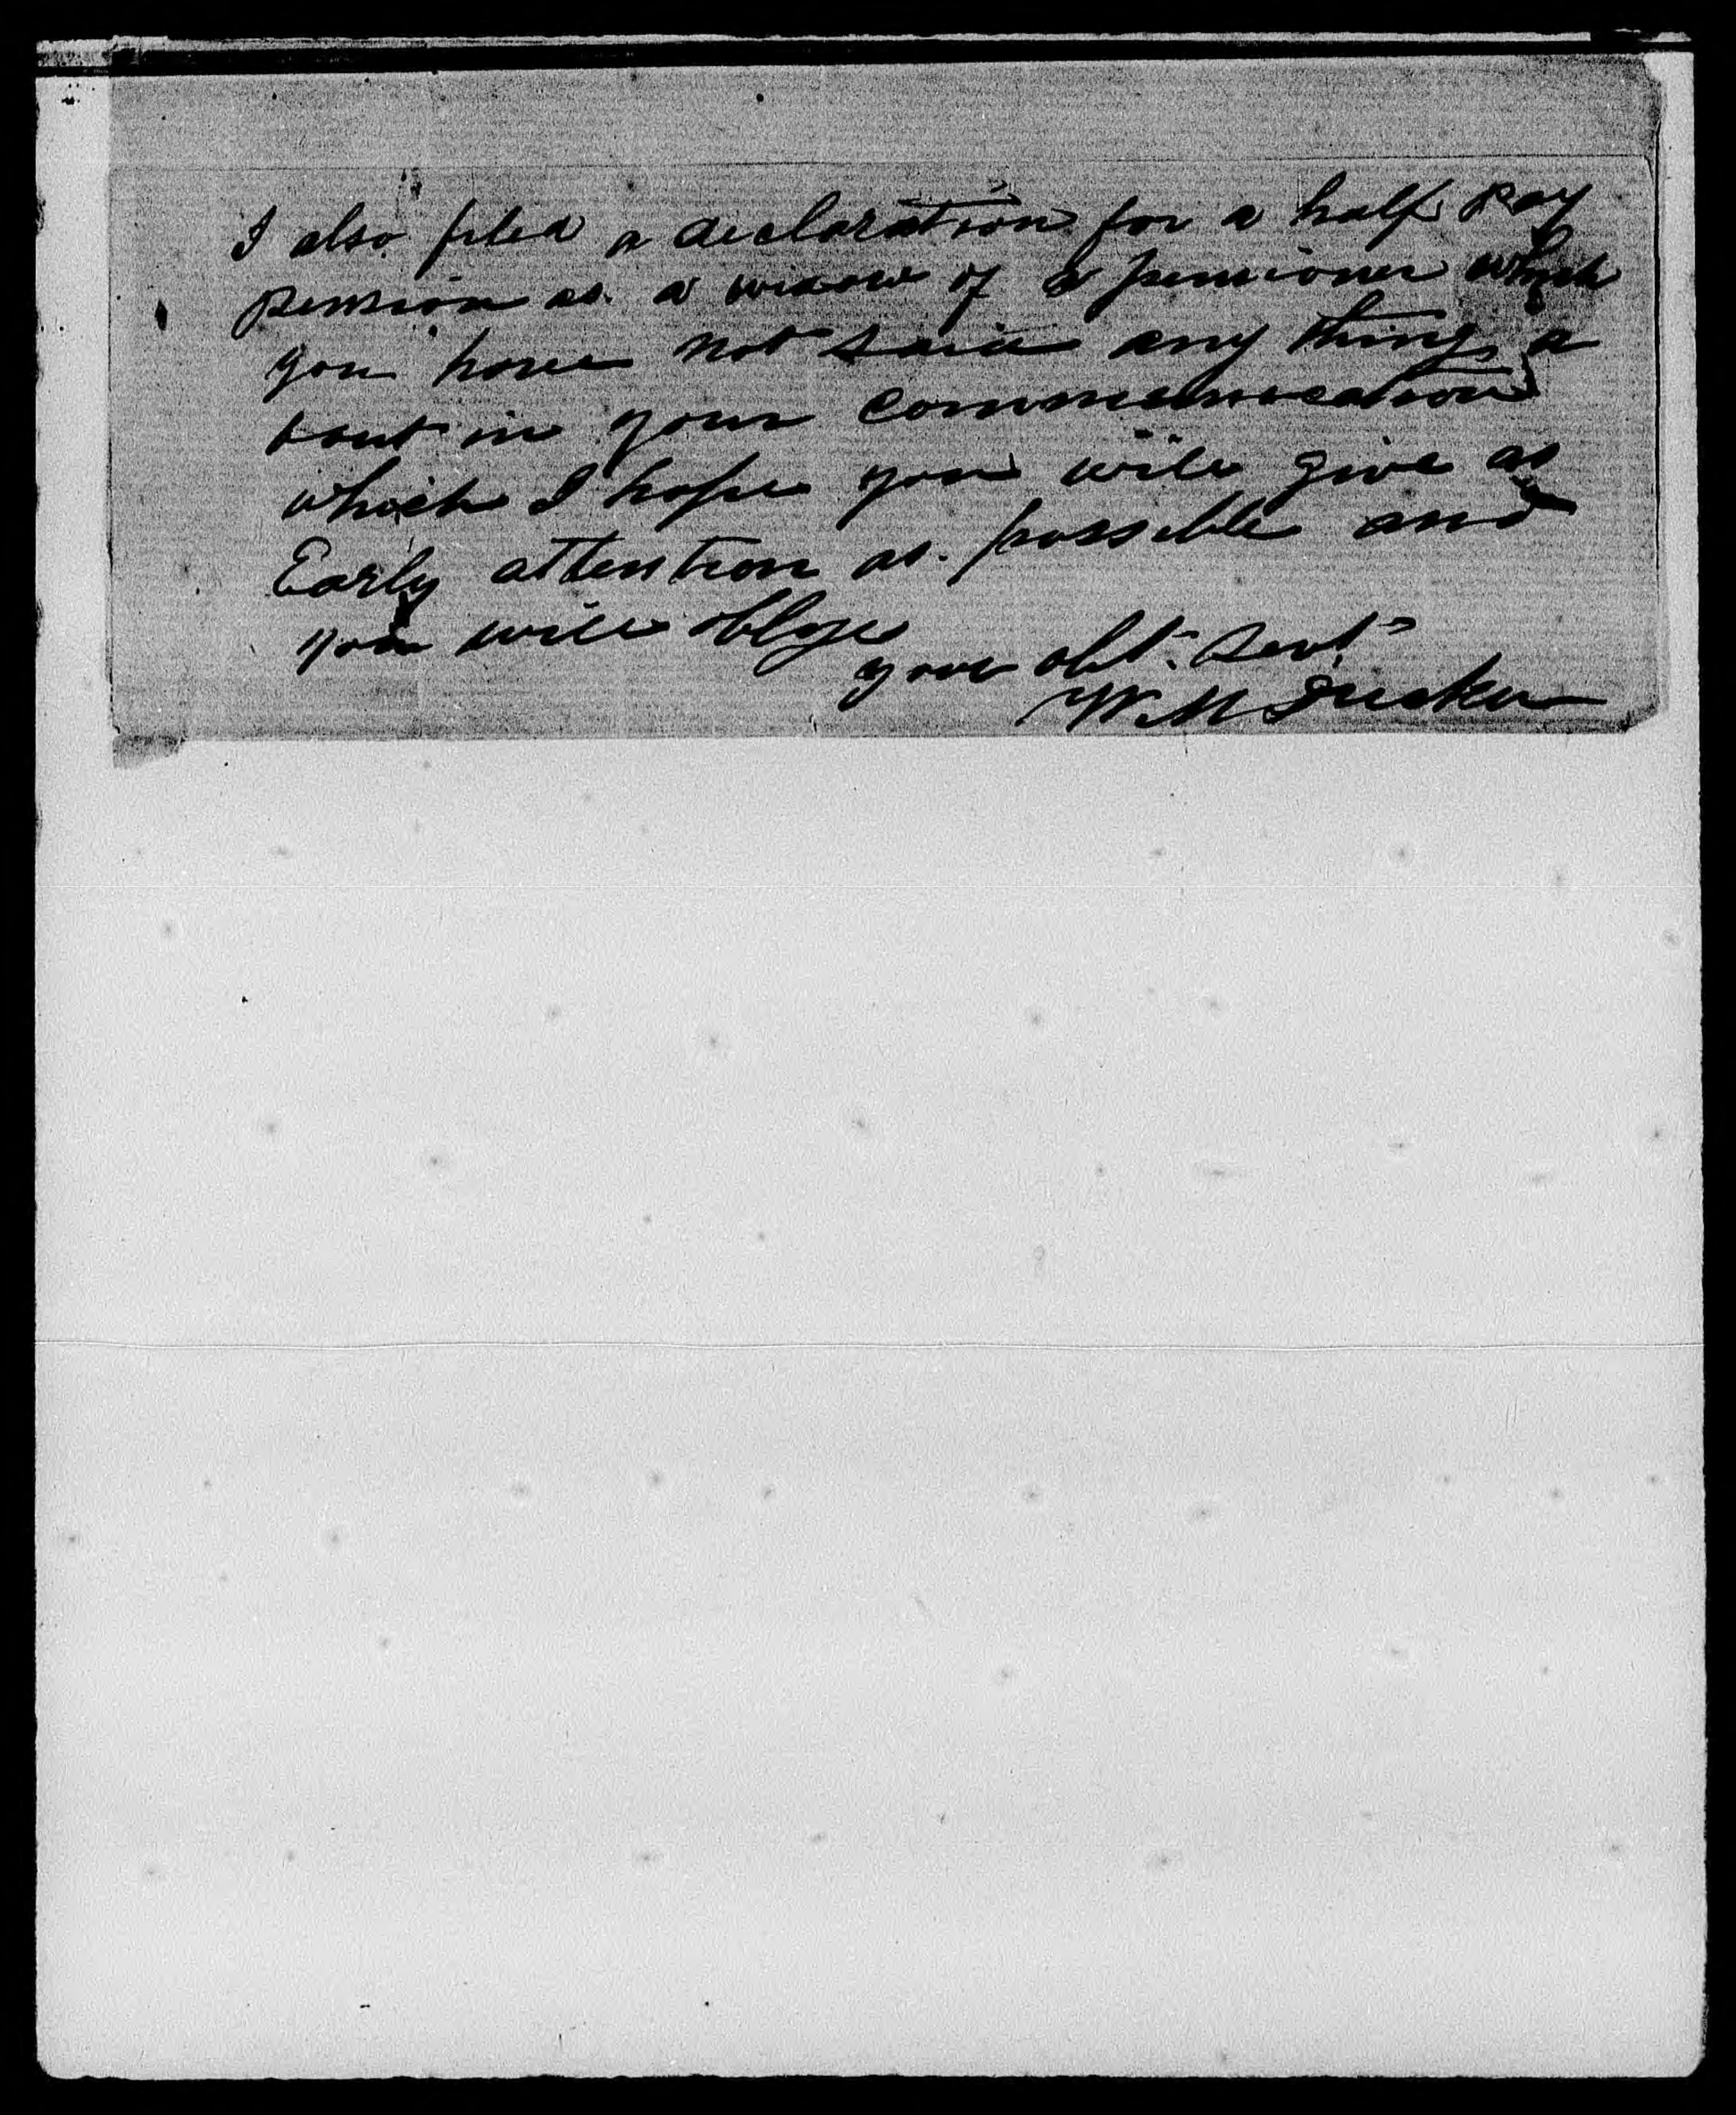I also filed a declaration for a half pay pension as a widow of a pensioner which you have not said any thing about in your communication which I hope you will give as Early attention as possible and you will oblige
your obt. sevt.
W M Ducker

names: W M Ducker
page: 10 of 17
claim: rejected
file: R. 3423, William Fairbanks, R.I.